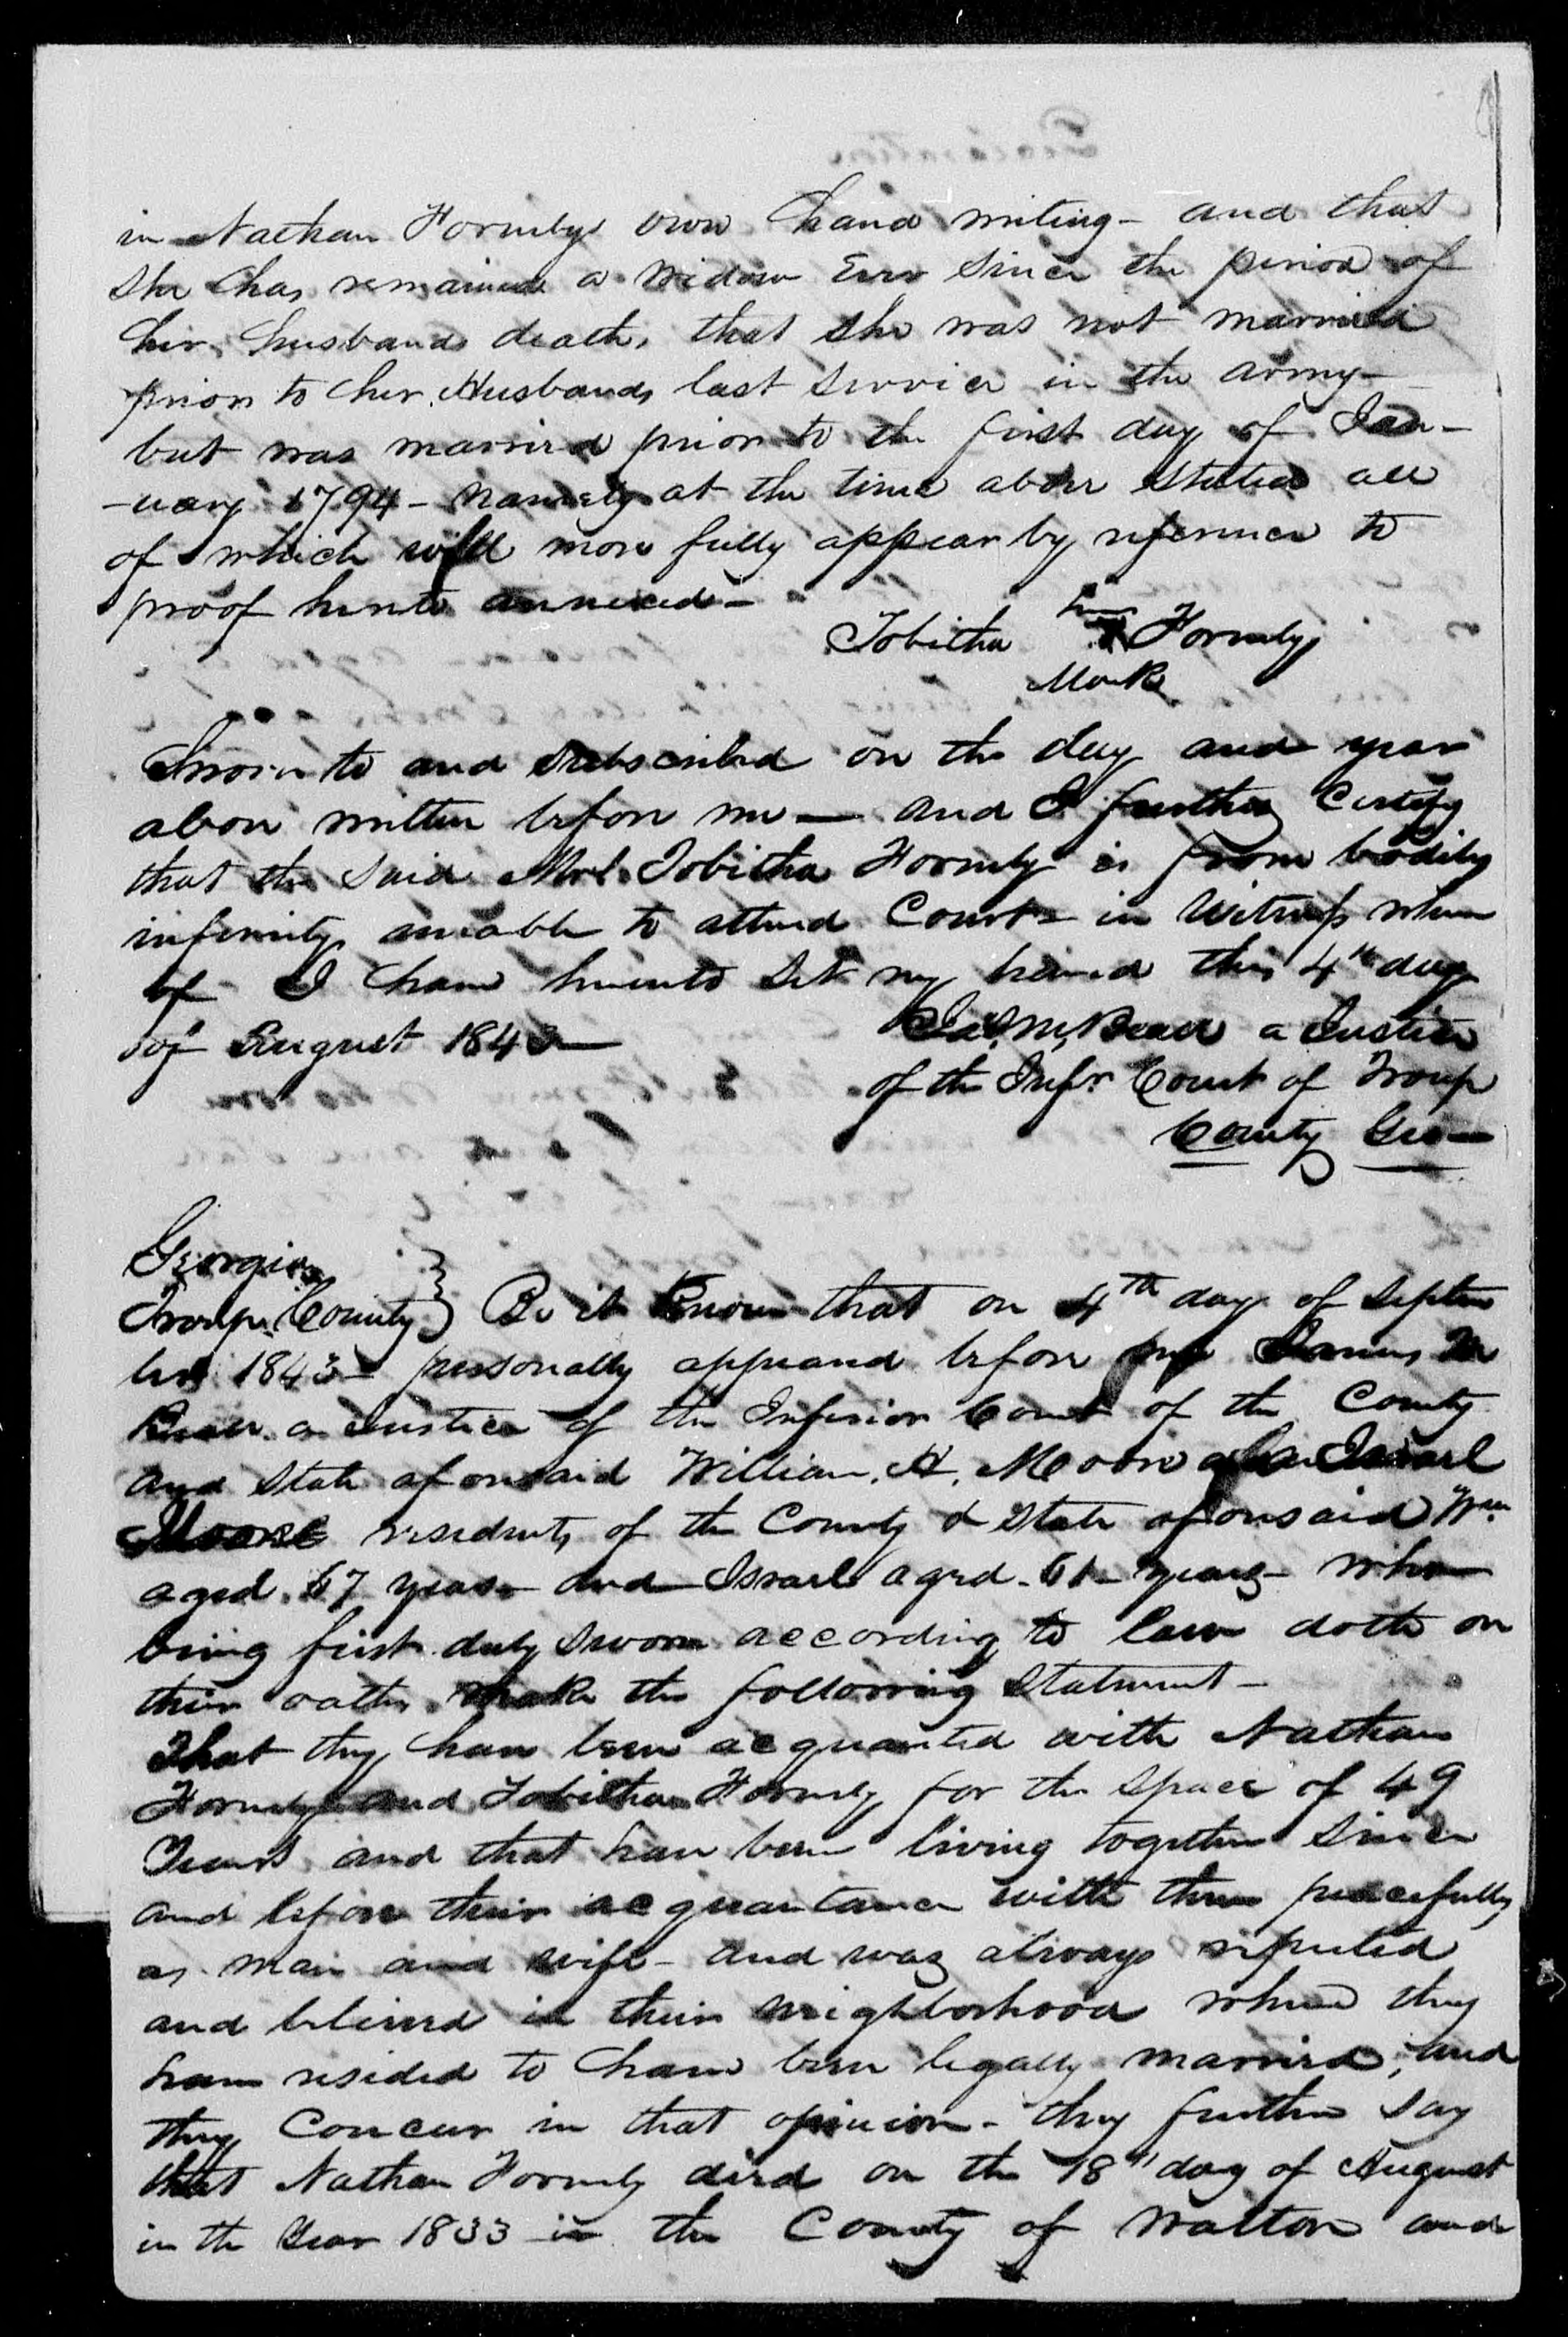in Nathan Formby own hand writing, and that she has remained a widow ever since the period of her husbands death, that she was not married prior to her Husbands last service in the army - but was married prior to the first day of January 1794 - named at the time above stated all of which will more fully appear by reference to proof hereto annexed-
Tobitha Formby
her X Mark
-
Sworn to and subscribed on the day and year above written before me - and I further certify that the said Mrs Tobitha Formby is from bodily infirmity unable to attend Court in witness when of I have unto set my hand this 4th day of August 1843
Jas. M. Beall a Justice
of the Infr Court of Troup County Ga

Georgia}
Troup County}
Be it Known that on 4th day of September 1843 - personally appeared before me James M Beall a Justice of the Inferior Court of the County and State aforesaid William H. Moore and Israel Moore residents of the County & State aforesaid Wm. aged 67 years, and Israel aged 61 years who being first duly sworn according to law doth on their oath make the following statement - That they have been acquainted with Nathan Formby and Tabitha Formby for the space of 49 years, and that have been living together since and before their acquaintance with them peacefully as man and wife - and was always reputed and believed in their neighborhood where they have resided to have been legally married and they concur in that opinion, they further say that Nathan Formby died on the 18th day of August in the year 1833 in the County of Walton and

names: Tabitha Formby, Nathan Formby, Nathan Formby, Tobitha Formby, James M Beall, Wm, Jas M Beall, Israel, Tobitha Formby, Nathan Formby, William H Moore, Israel Moore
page: 11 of 54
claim: widow's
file: W. 3794, Nathan Formby, Va.